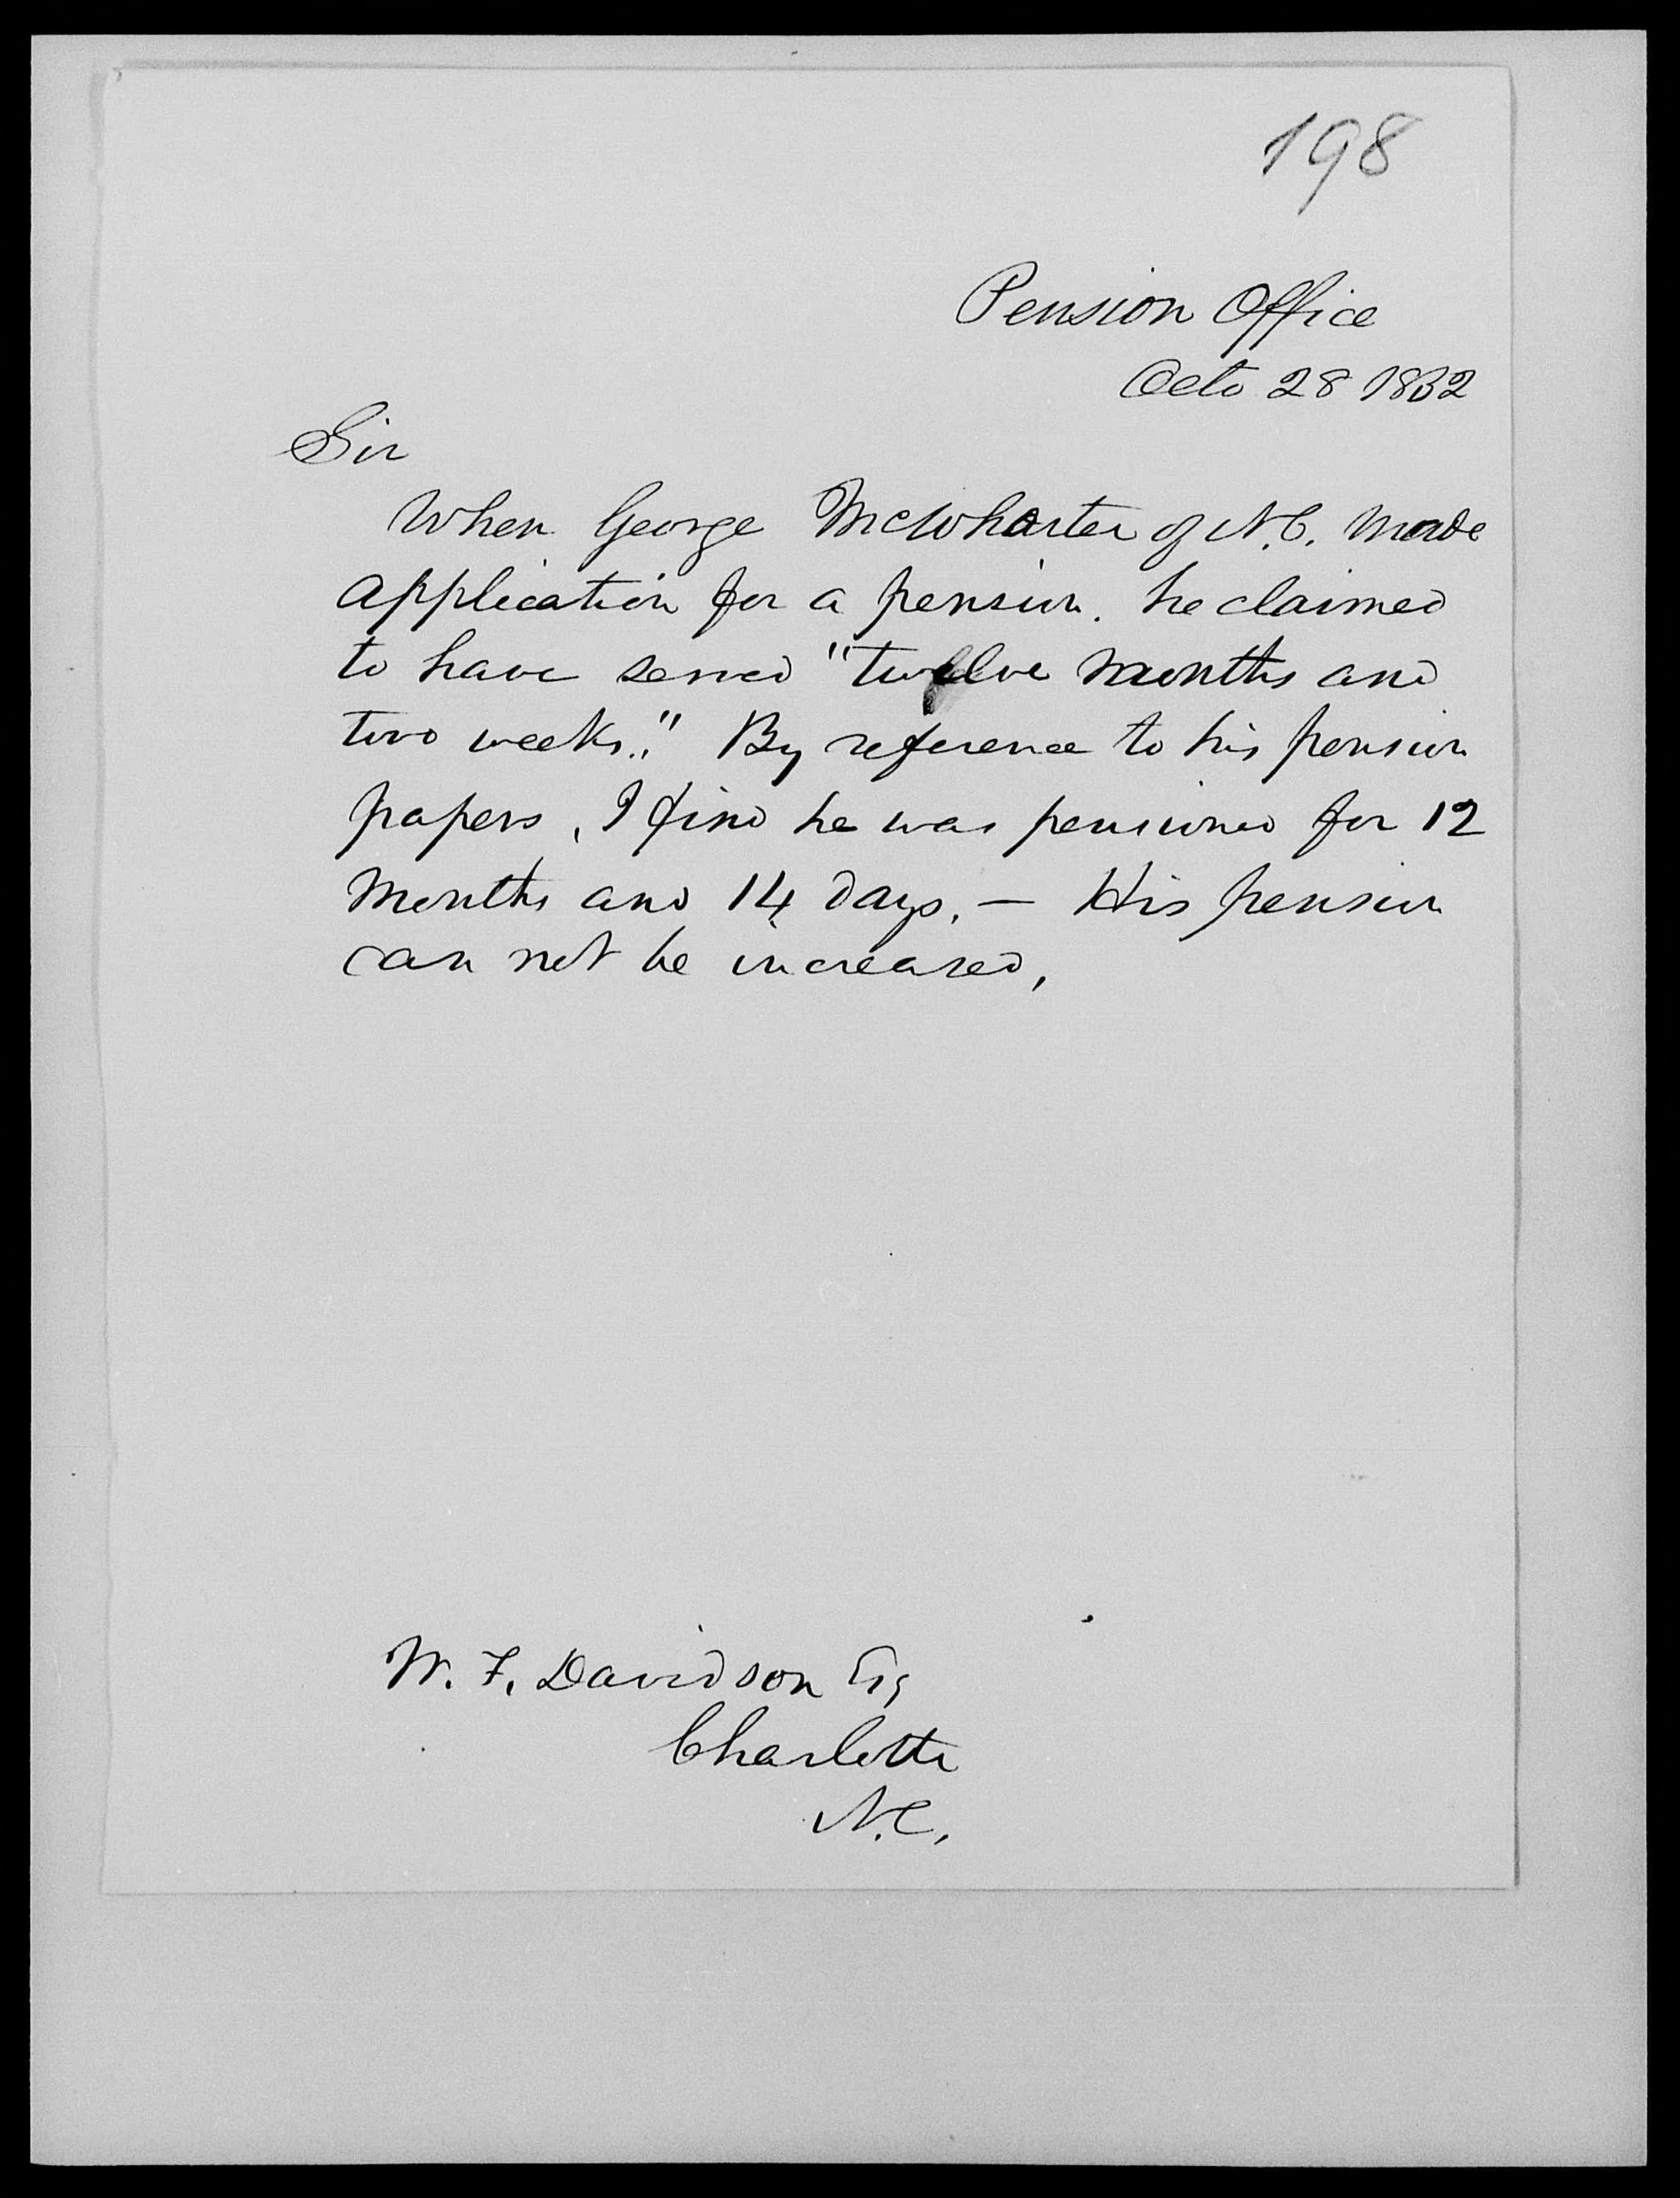198                                                             
Pension Office Oct 28 1832                                                                            Sir When George McWhorter of N. C. made application for a pension he claimed to have served "twelve months and two weeks " . By reference to his pension papers, I find he was pensioned for 12 months and 14 days - His pension cannot be increased.   W.F. Davidson Esq Charlotte, N.C.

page: 21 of 35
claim: survivor's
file: S. 9,011, for George Mc Whorter, North Carolina